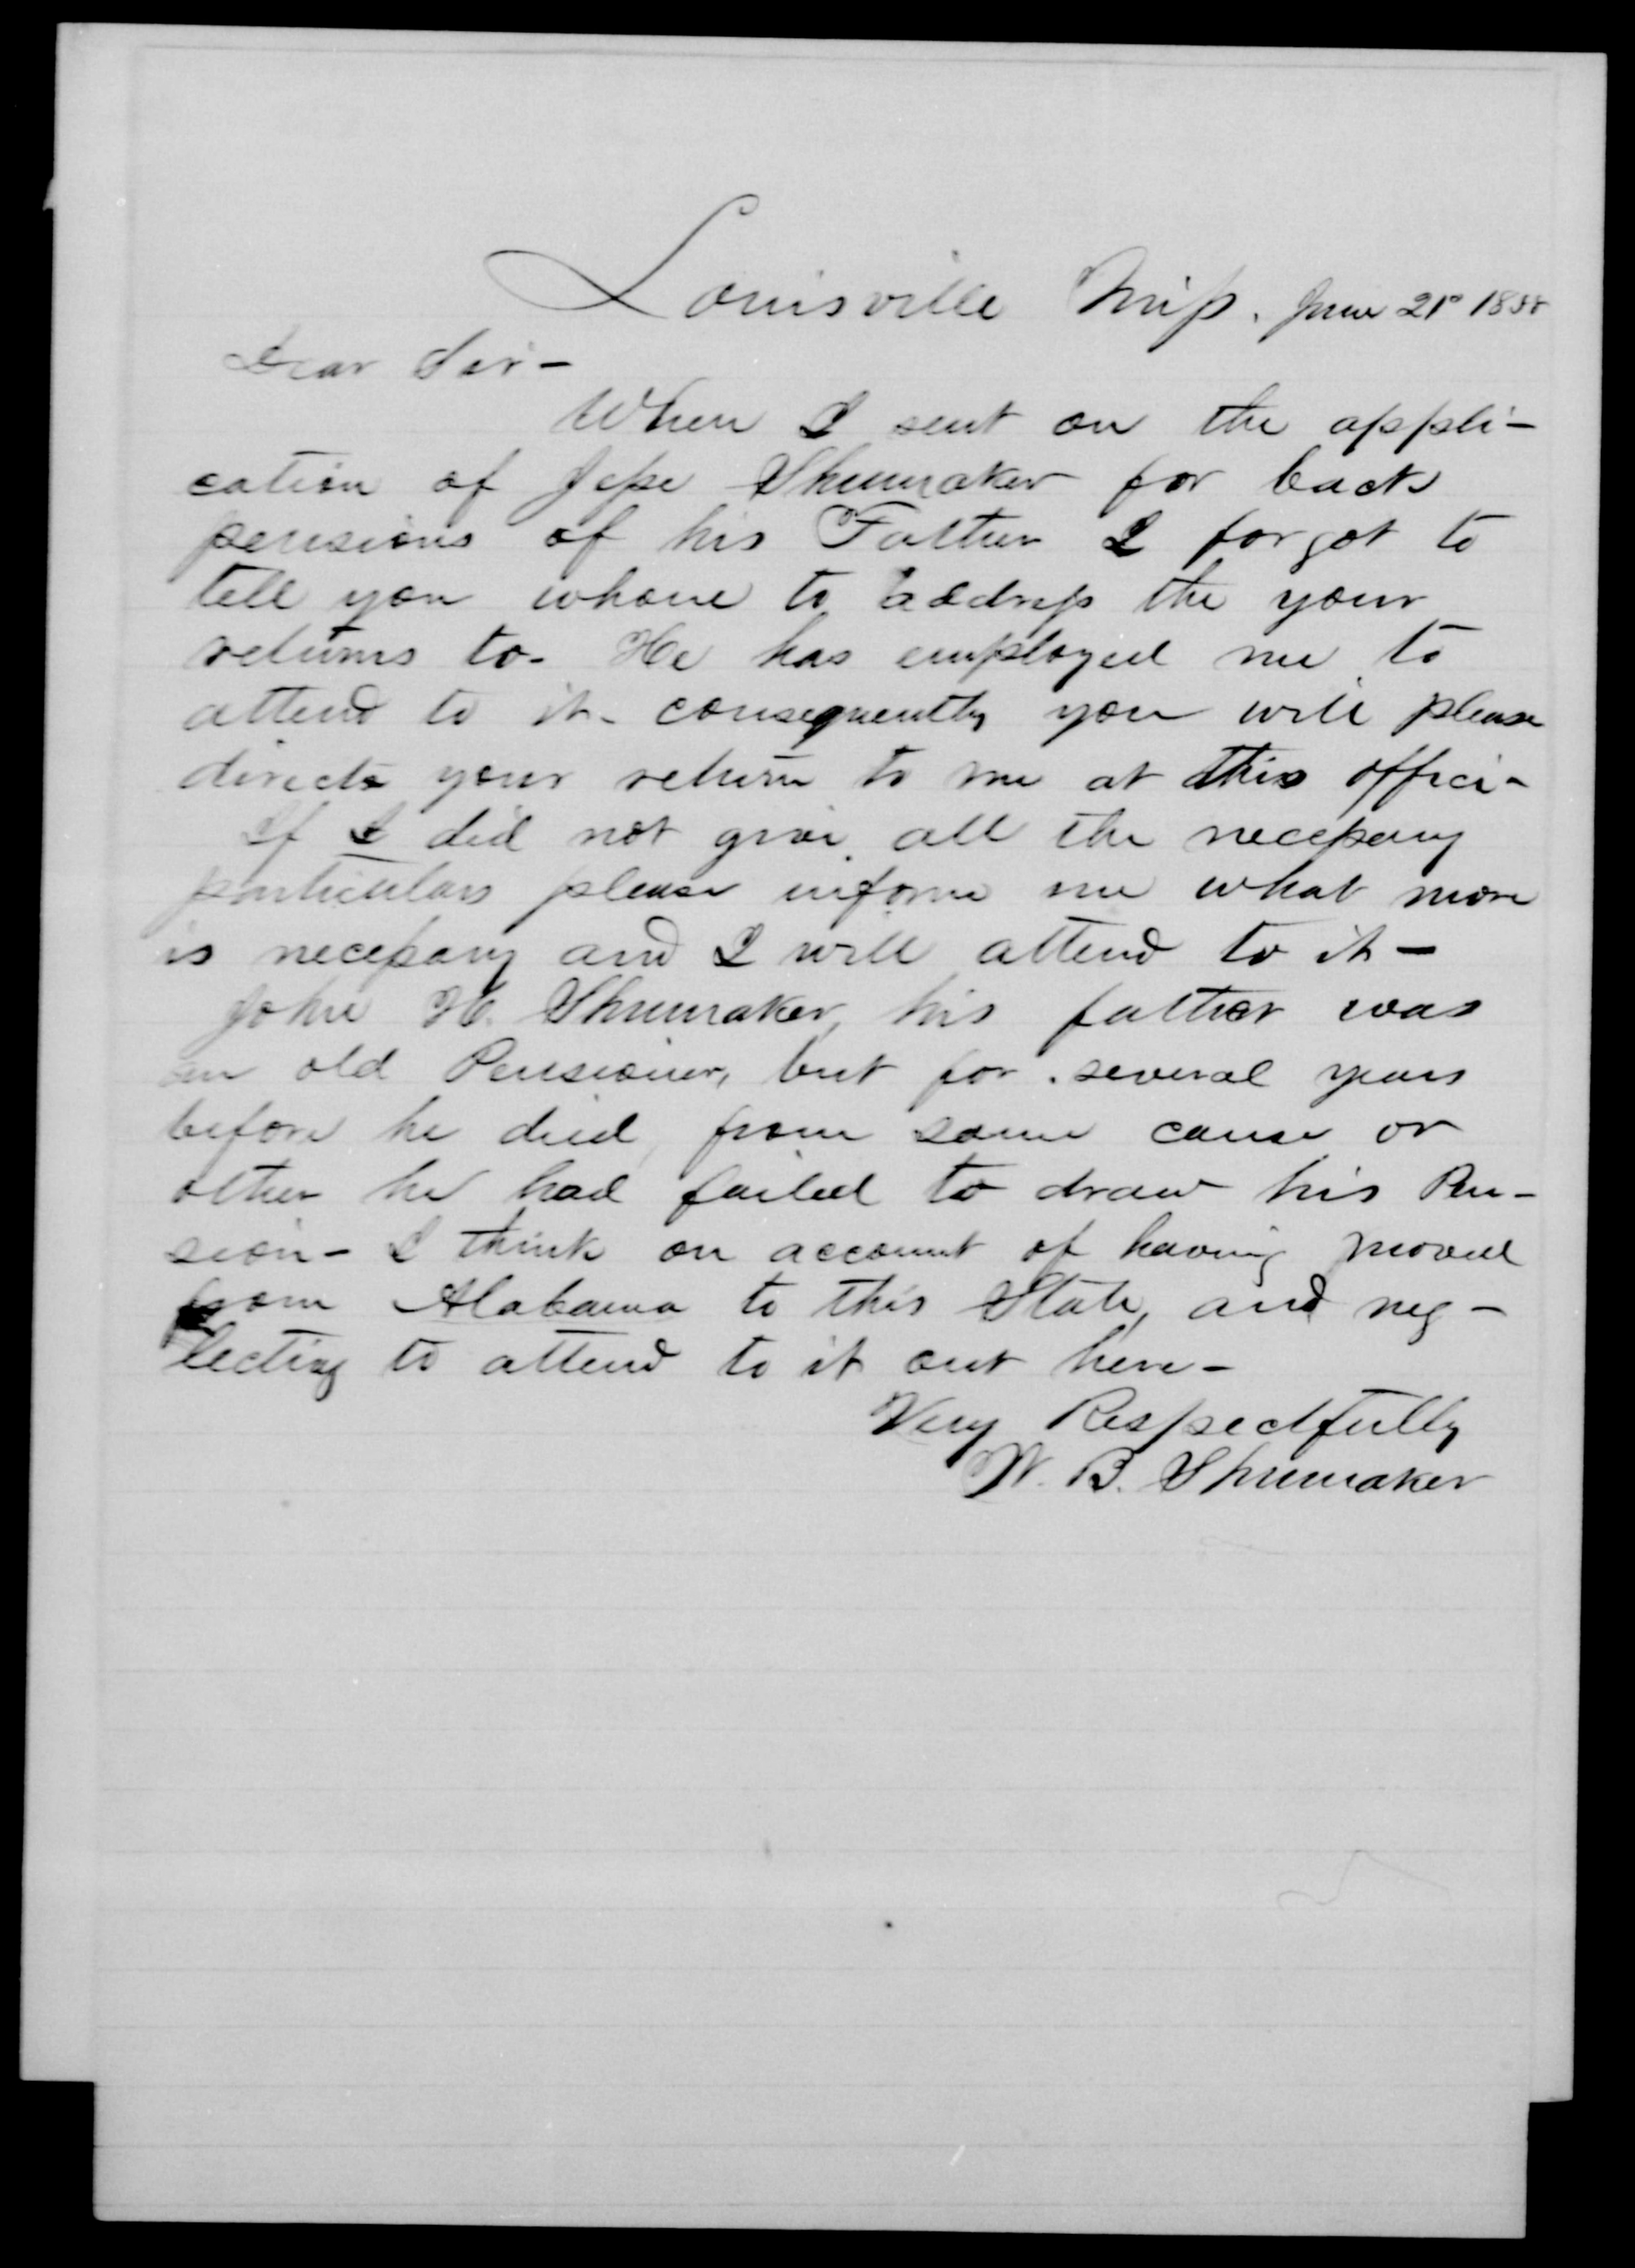Louisville Miss June 25 1841
Dear Sir 
When I sent on the application of Jesse Shumaker for back pensions of his Father I forgot to tell you whom to address the your
returns to. He has employed me to attend to it-- consequently you will please direct your return to me at this office-
If I did not give all the necessary particulars please inform me what more is necessary and I will attend to it John H. Shumaker, his father was in old Pensioner, but for several years
before he died from some cause or other he had failed to draw his pension-- I think on account of having moved from Alabama to this State, and neglecting to attend to it out here-
Very Respectfully
W. B. Shumaker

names: Jesse Shumaker; John H Shumaker; W B Shumaker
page: 18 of 20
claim: survivor's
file: S. 32512, for Harmon Shumaker, Maryland